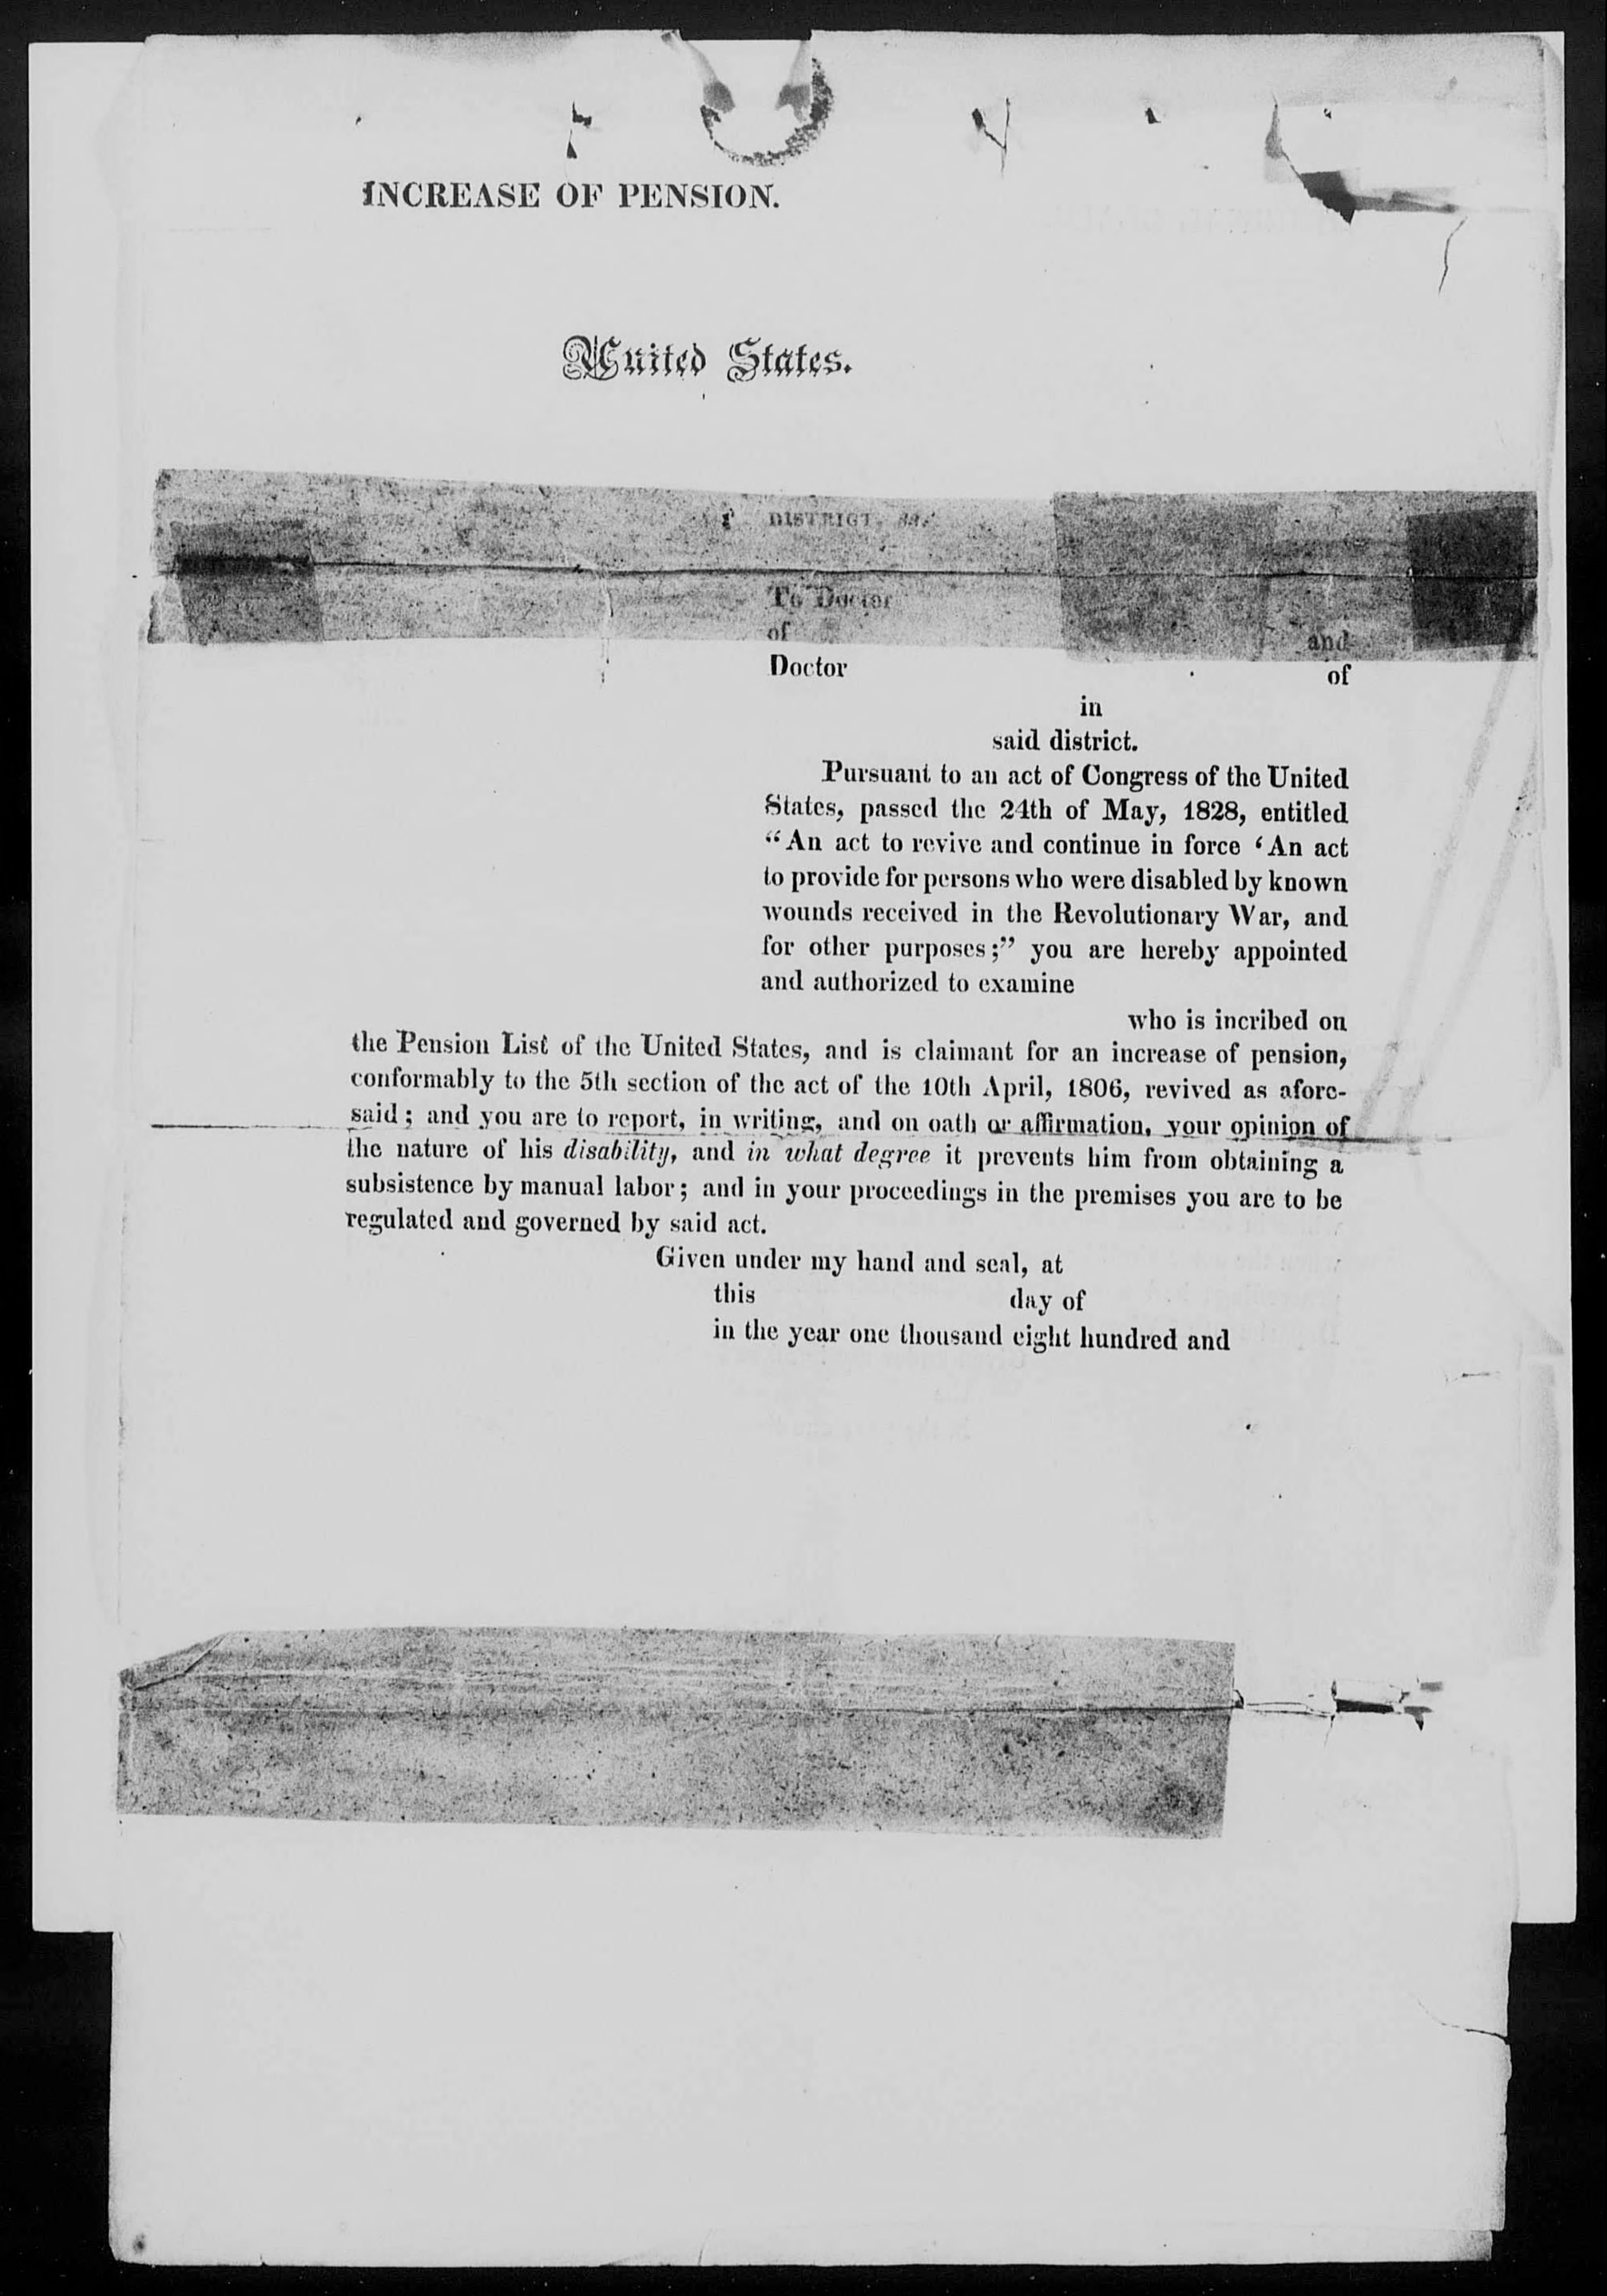Increase of Pension.
United States.
District, 88.
To Doctor
of and
Doctor of
in 
said district.
Pursuant to an act of Congress of the United States, passed the 24th of May, 1828, entitled "An act to revive and continue in force 'An act to provide for persons who were disabled by known wounds received in the Revolutionary War, and for other purposes;" you are hereby appointed and authorized to examine
who is incribed on the Pension List of the United States, and is claimant for an increase of pension, conformably to the 5th section of the act of the 10th of April, 1806, revived as aforesaid; and you are to report, in writing, and on the oath or affirmation, your opinion of the nature of his disability, and in what degree it prevents him from obtaining a subsistence by manual labor; and in your proceedings in the premises you are to be regulated and governed by said act.
Given under my hand and seal, at
this day of
in the year one thousand eight hundred and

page: 4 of 100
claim: survivor's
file: S 19186, James Austin, Conn. New York R.I.